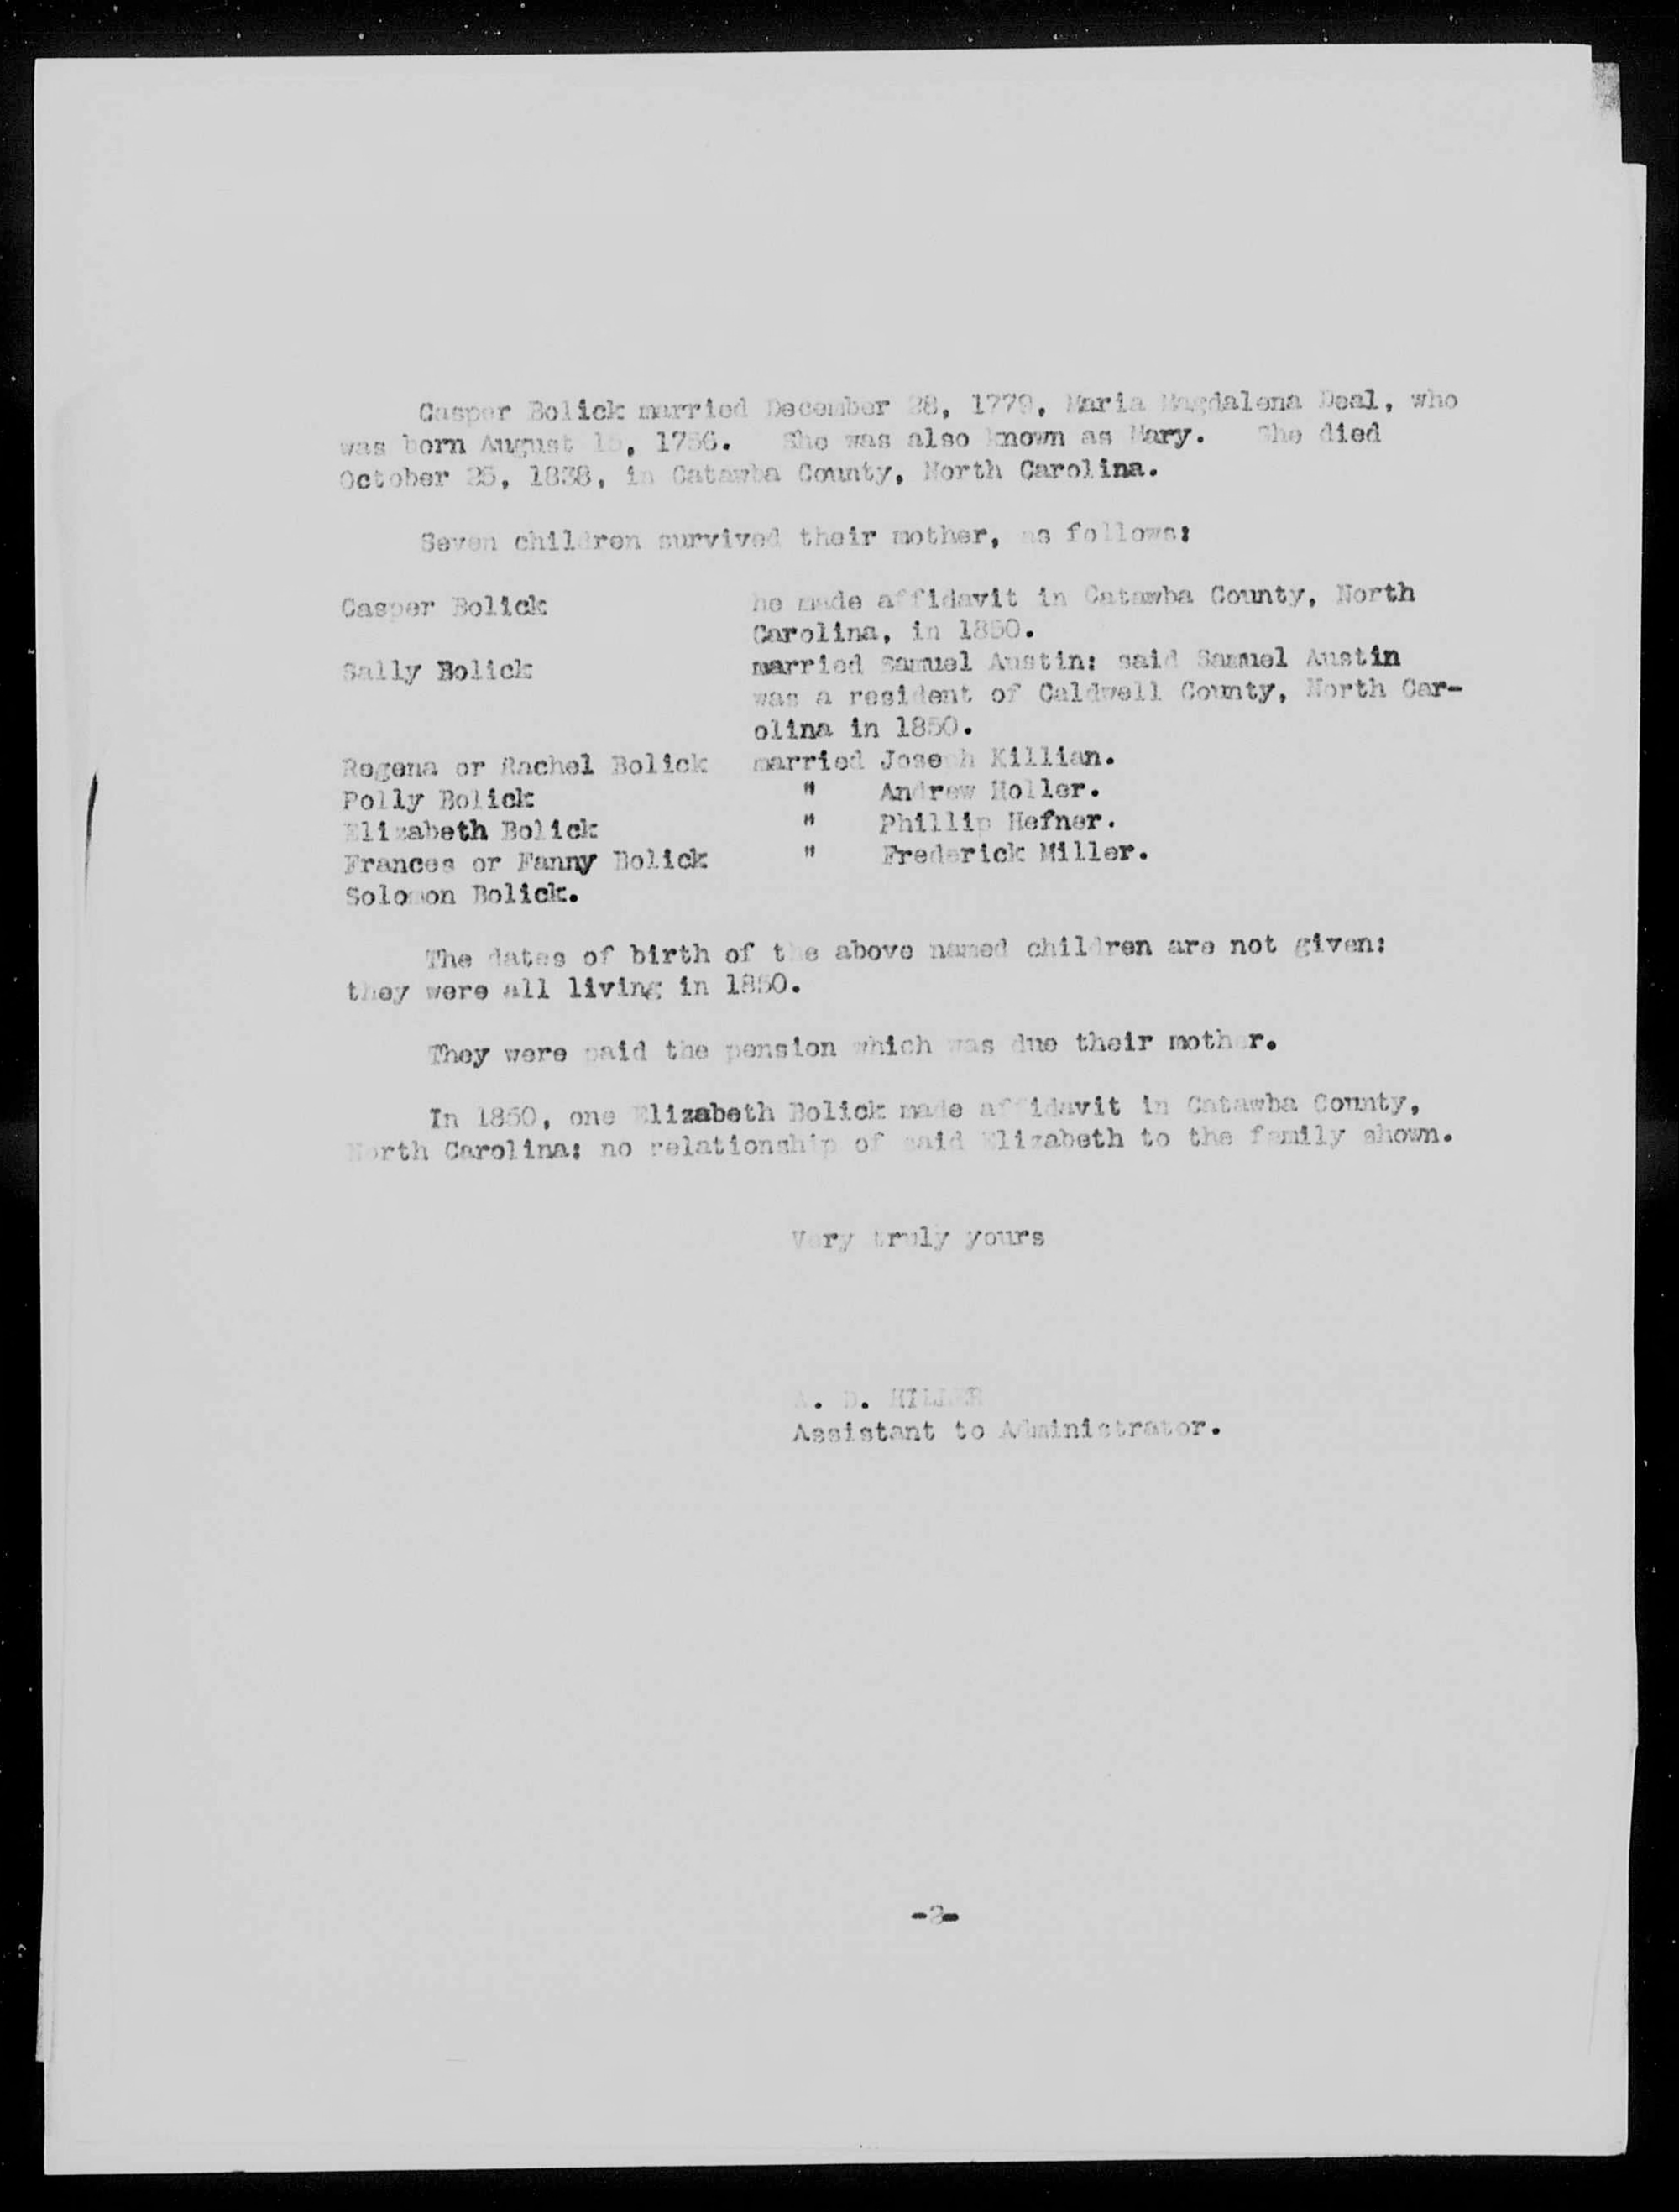Casper Bolick married December 28, 1779, Maria Magdalena Deal, who was born August 15, 1756. She was also known as Mary. She died October 25, 1838, in Catawba County, North Carolina.
Seven children survived their mother, as follows:
Casper Bolick
he made affidavit in Catawba County, North Carolina in 1850.

Sally Bolick
married Samuel Austin said Samuel Austin
was a resident of Caldwell County, North Carolina, in 1850.

Regena or Rachel Bolick 
married Joseph Killian.

Polly Bolick 
married Andrew Holler.

Elizabeth Bolick 
married Phillip Hefner.

Frances or Fanny Bolick 
married Frederick Miller.

Solomon Bolick.

The dates of birth of the above named children are not given: they were all living in 1850.
They were paid the pension which was due their mother.
In 1850, one Elizabeth Bolick made affidavit in Catawba County, North Carolina; no relationship of said Elizabeth to the family shown.

Very truly yours
A. D. HILLER
Assistant to Administrator.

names: Elizabeth Bolick, Samuel Austin, Solomon Bolick, Rachel Bolick, Samuel Austin, Regena Bolick, Casper Bolick, Casper Bolick, Frederick Miller, Phillip Hefner, Frances Bolick, Elizabeth Bolick, Elizabeth, Polly Bolick, Andrew Holler, A D Hiller, Joseph Killian, Fanny Bolick, Sally Bolick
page: 18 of 43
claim: widow's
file: W. 18,566, Casper Bolick, N.C.